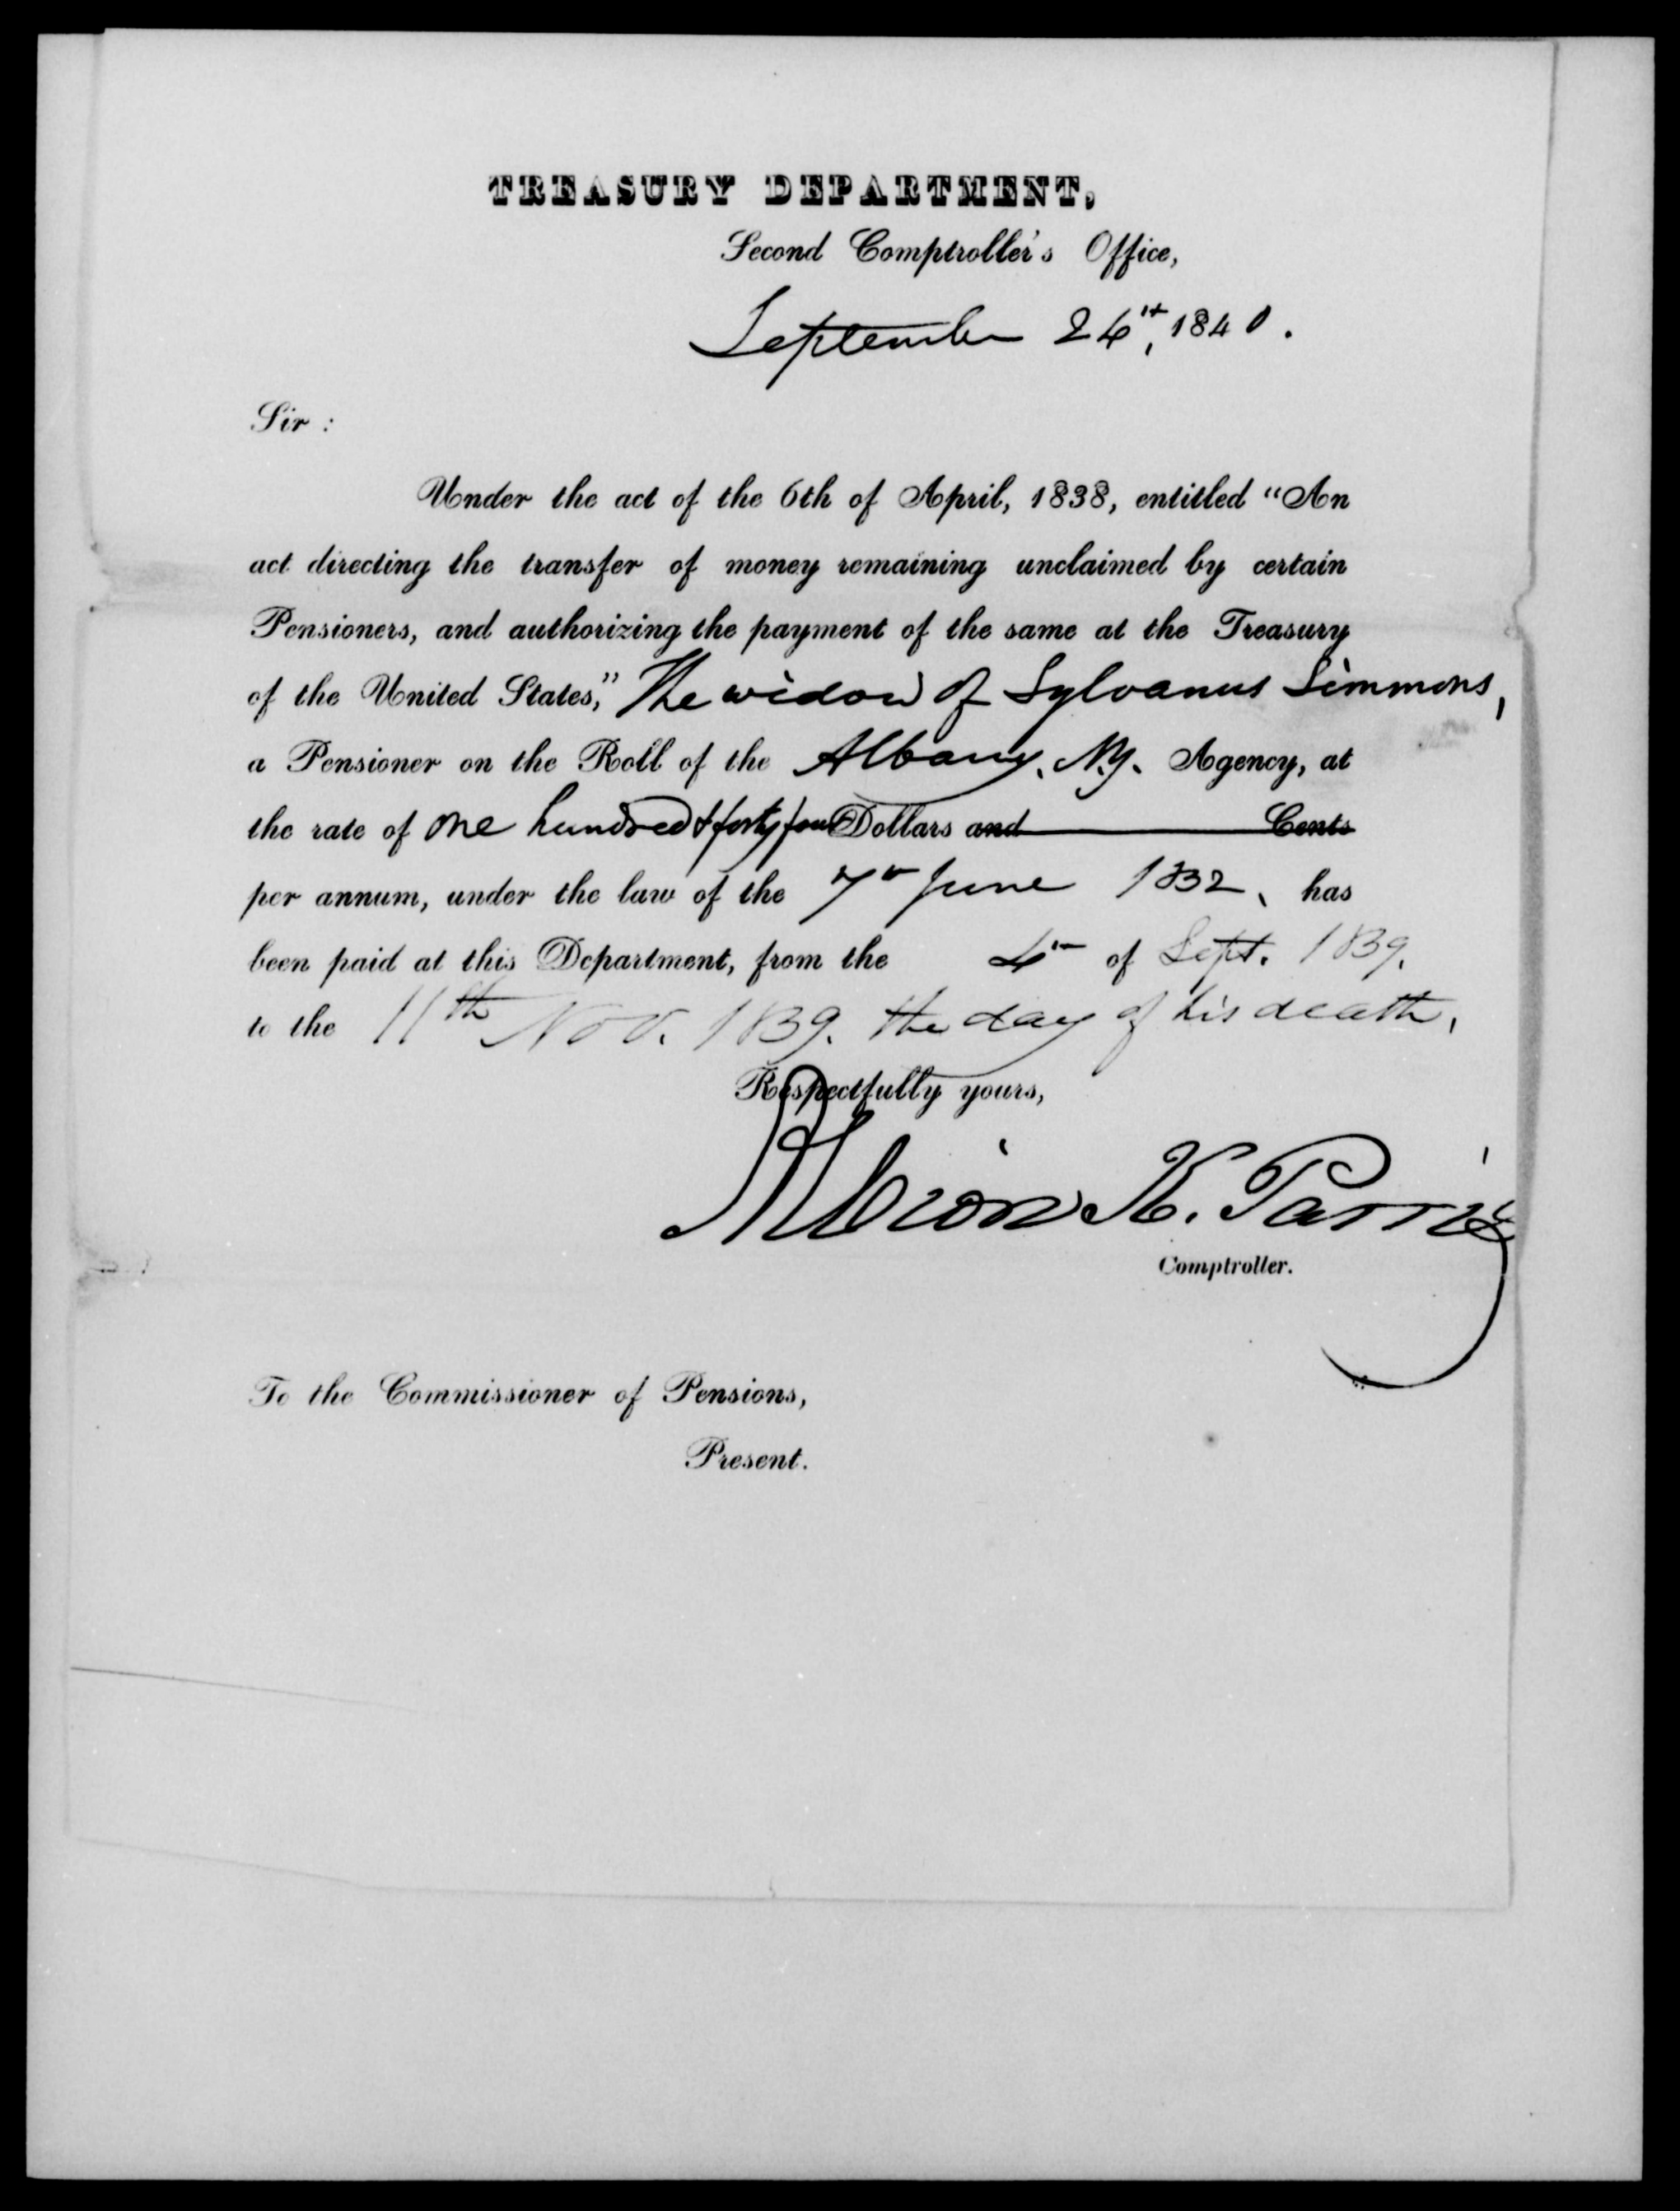TREASURY DEPARTMENT.
Second Comptroller's Office,
September 24th, 1840
Sir:
Under the act of the 6th of April, 1838, entitled "An
act directing the transfer of money remaining unclaimed by certain
Pensioners, and authorizing the payment of the same at the Treasury
of the United States", The widow of Sylvanus Simmons,
a Pensioner on the Roll of the Albany N.Y. Agency, at
the rate of one hundred & forty four Dollars 
per annum, under the law of the 7th June 1832, has
been paid at this Department, from the 4th of Sept. 1839.
to the 11th Nov. 1839. the day of his death,
Respectfully yours,
Albion K. Parris
Comptroller.
To the Commissioner of Pensions,
Present.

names: Sylvanus Simmons; Albion K Parris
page: 9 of 31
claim: survivor's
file: S. 14484, for Sylvanus Simmons, New York